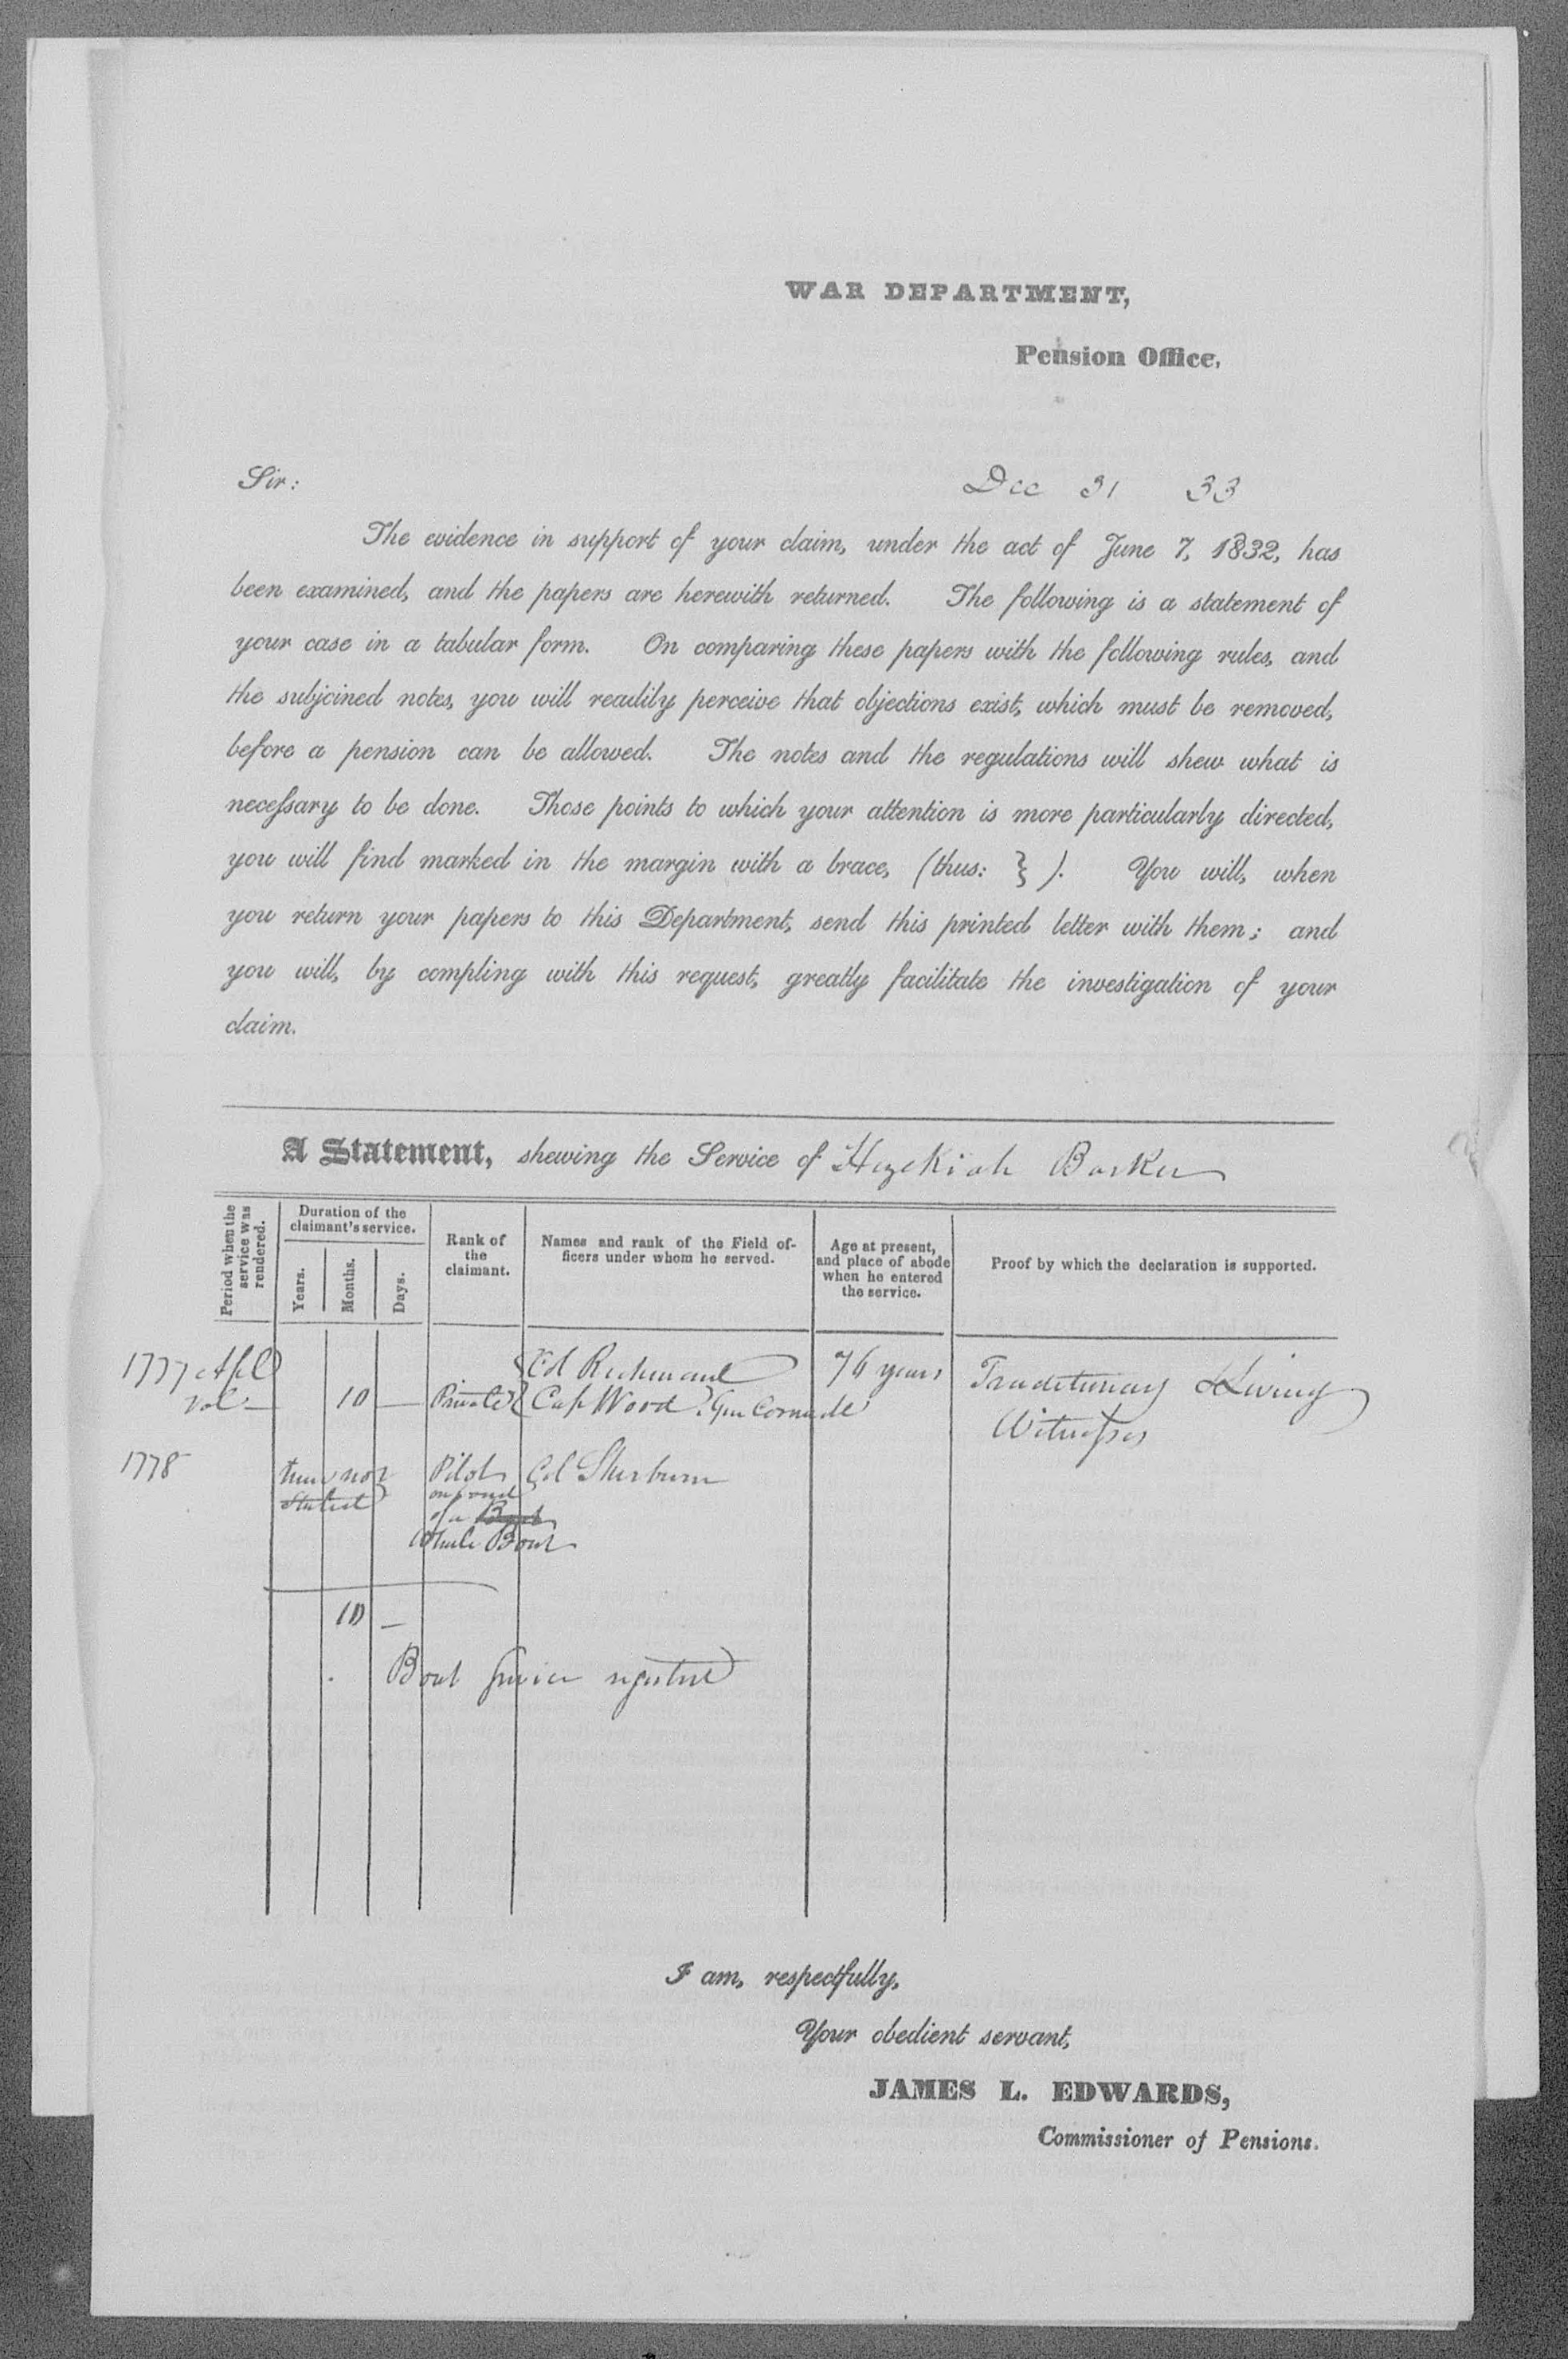War Department,
Pension Office,
Dec. 31 33
Sir:
The evidence in support of your claim, under the act of June 7, 1832, has
been examined,  and the papers are herewith returned. The following is a statement of
your case in a tabular form. On comparing these papers with the following rules, and
the subjoined notes, you will readily perceive that objections exist, which must be removed, before a pension can be allowed. The notes and the regulations will show what is
necessary to be done. These points to which your attention is more particularly directed,
you will find marked in the margin with a brace, (thus: }). You will, when
you return your papers to the Department, send this printed letter with them; and
you will, by complying with this request, greatly facilitate the investigation of your
claim.
 A statement, shewing the service of Hezekiah Barker
Period when the service was rendered | Duration of the claimant's service. | Years. | Months. | Days. | Name and rank of the field officers under whom he served. | Age at present, and place of abode when he entered the service | Proof by which the declaration is supported.
1777 Apl [illegible] |10 {months} | Private | Col. Richmond Cap Worth, gen command | 76 years | testimony living witnesses
1778 | time not stated | pilot on [illegible] of a mule boat
10 {months}
boat service [illegible]
I am, respectfully,
Your obedient servant,
James L. Edwards
Commissioner of Pensions.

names: Wood, Sherburn, Sherburn, James L Edwards, Hezekiah Barker, Richmond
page: 4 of 52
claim: widow's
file: W. 18,565, Hezekiah Barker, Continental R.I.